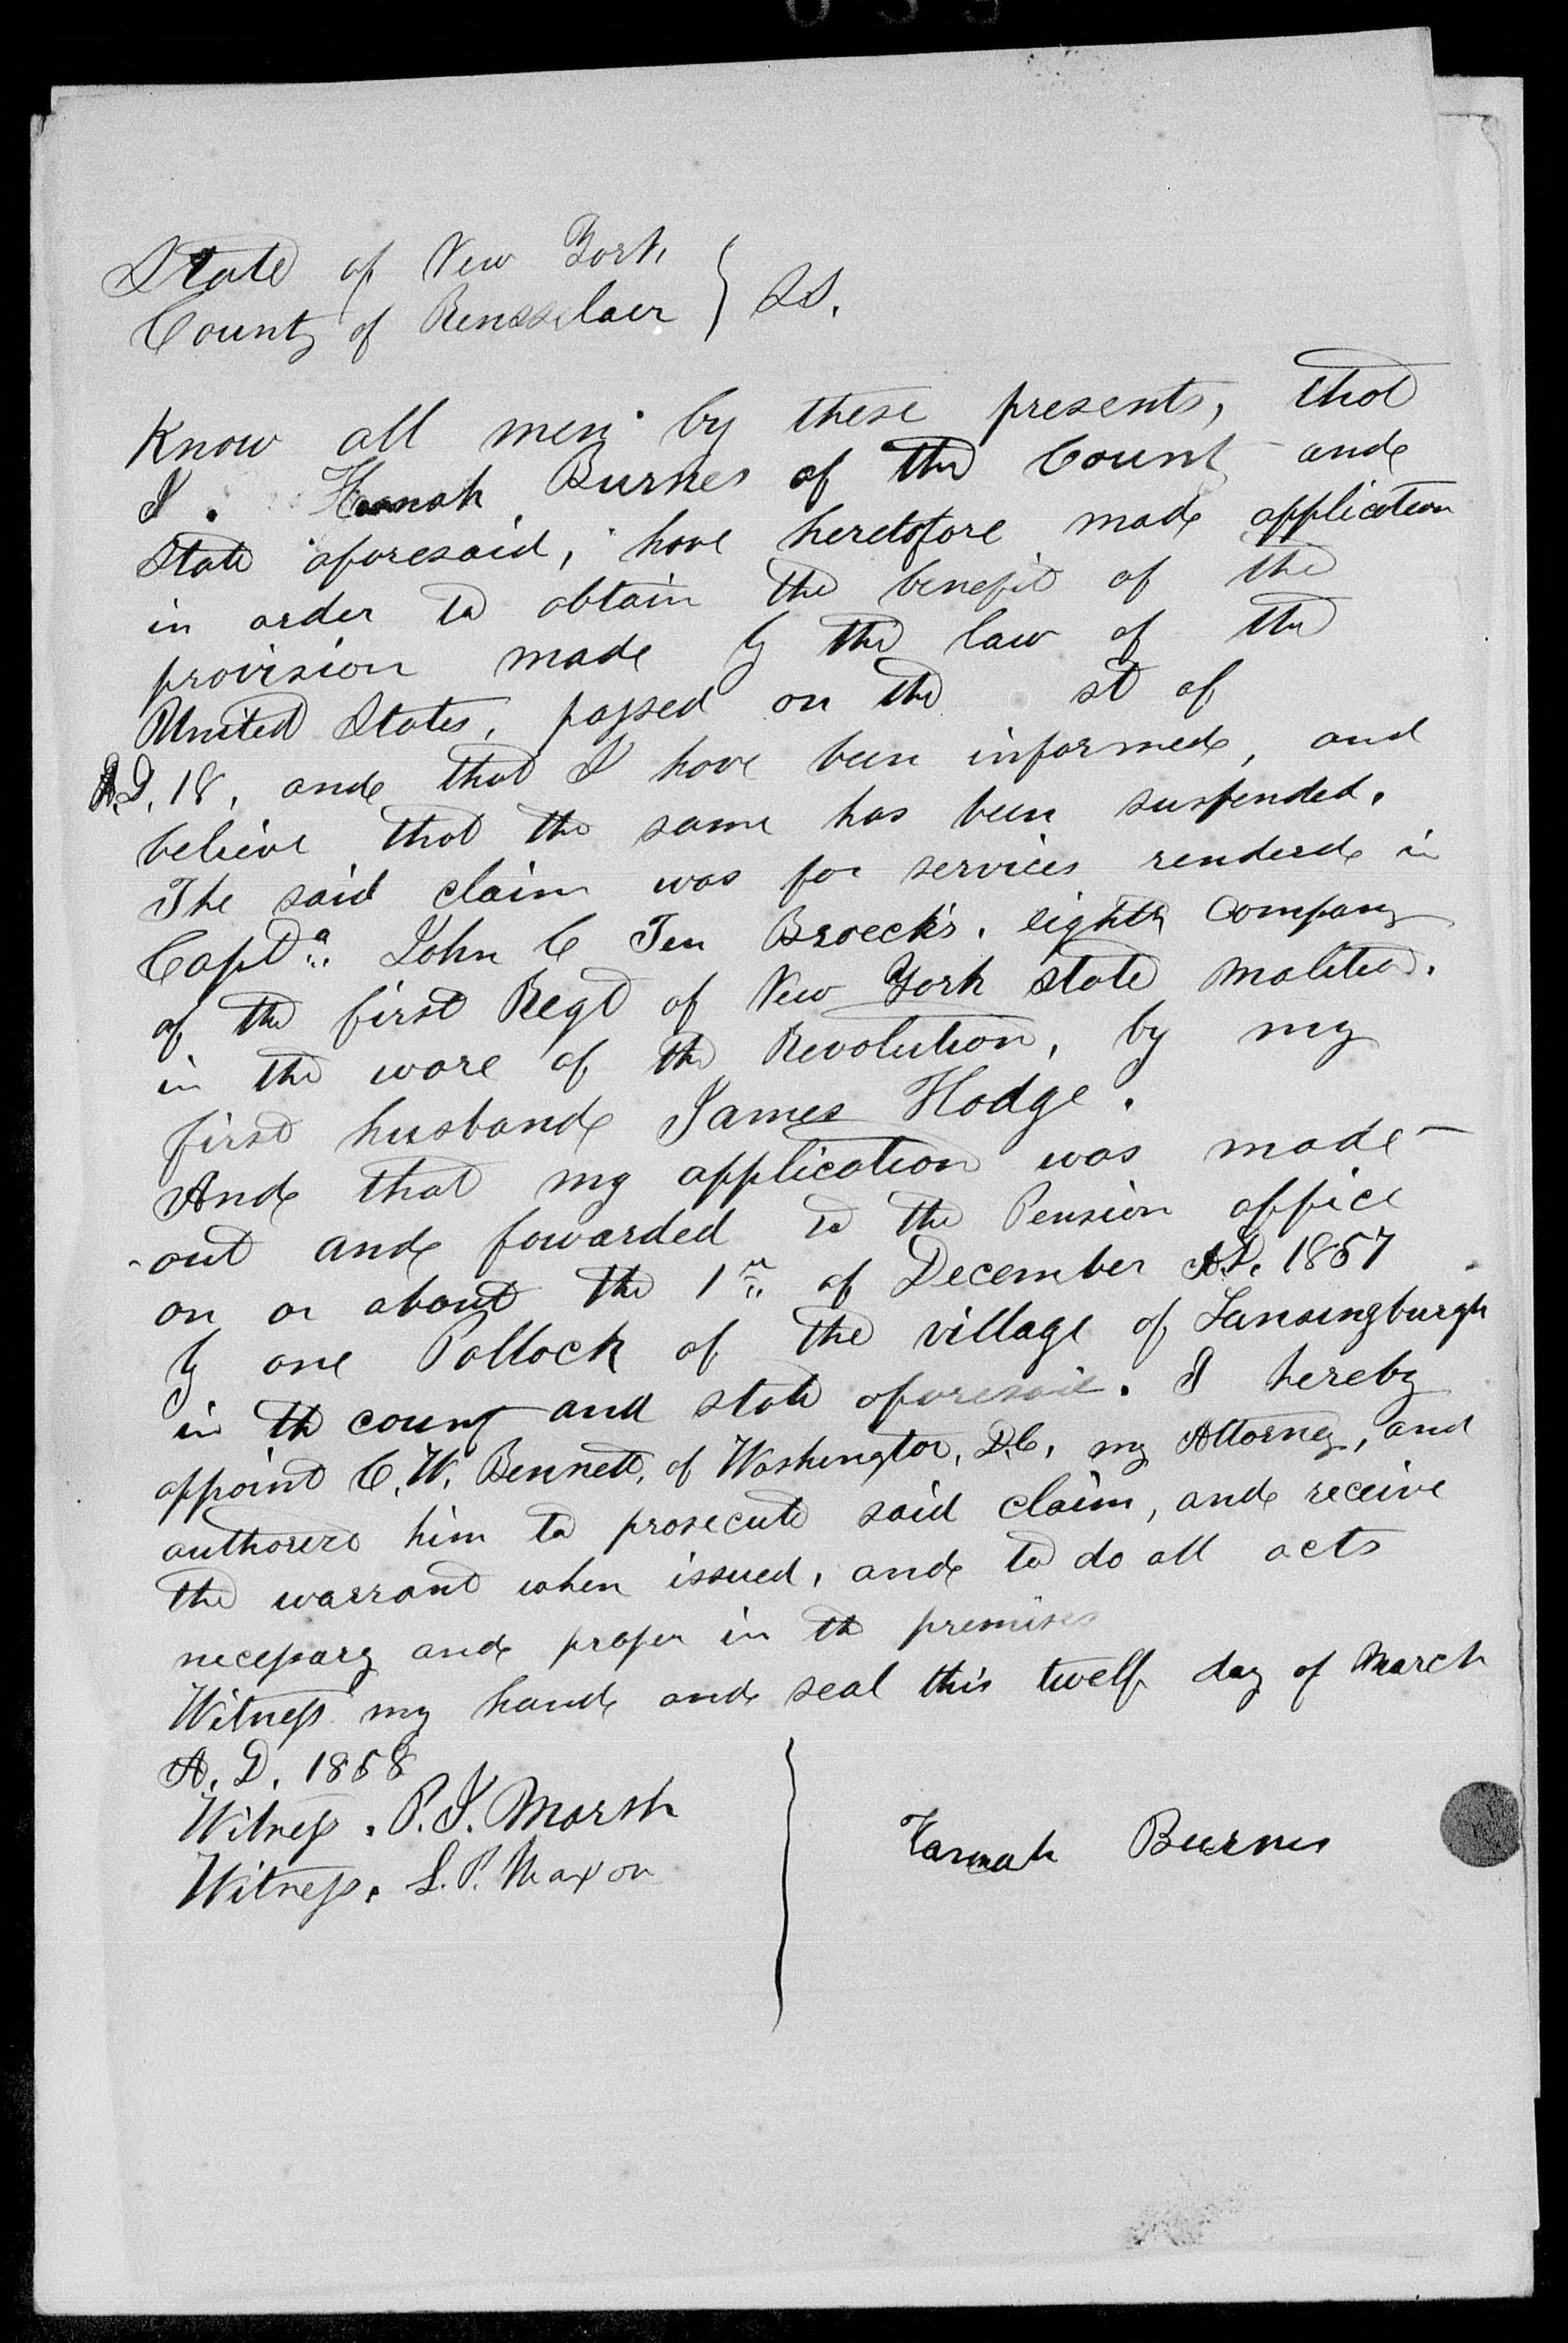State of New York
County of Rennsselaer  ss.

Know all men by these presents that I Hannah Burnes of the county and state aforesaid have heretofore made application in order to obatin the benefit of the provision made by the law of the United States, passed on st of D, 18, and that I have been informed and believe that the same has been suspended(?).  The said claim was for services rendered in Capt John C. Ten Broeck eighth company of the first Regt of New York State militia in the war of the Revolution by my first husband James Hodge. And that my application was made out and forwarded to the Pension office on or about the 1'' of December A.D. 1857 by one (illegible) of the village of Lansingburgh in the coury and state of (illegible).  I hereby appoint C.W. Bennett of Washington DC , an attorney, and authorize him to prosecute said claim and receive the warrant when issued and to do all acts necessary and proper in the premises.
Witness my hand and seal this twelfth day of March A.D. 1858.
Witness. P.J. Marsh
Witness. L.P. Maxon.
Hannah Barnes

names: Hannah Burnes, James Hodge, L P Maxon, Hannah Burnes, C W Bennett, P J Marsh, John C Ten Broeck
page: 34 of 48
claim: widow's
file: W. 10476, James Hodge, New York